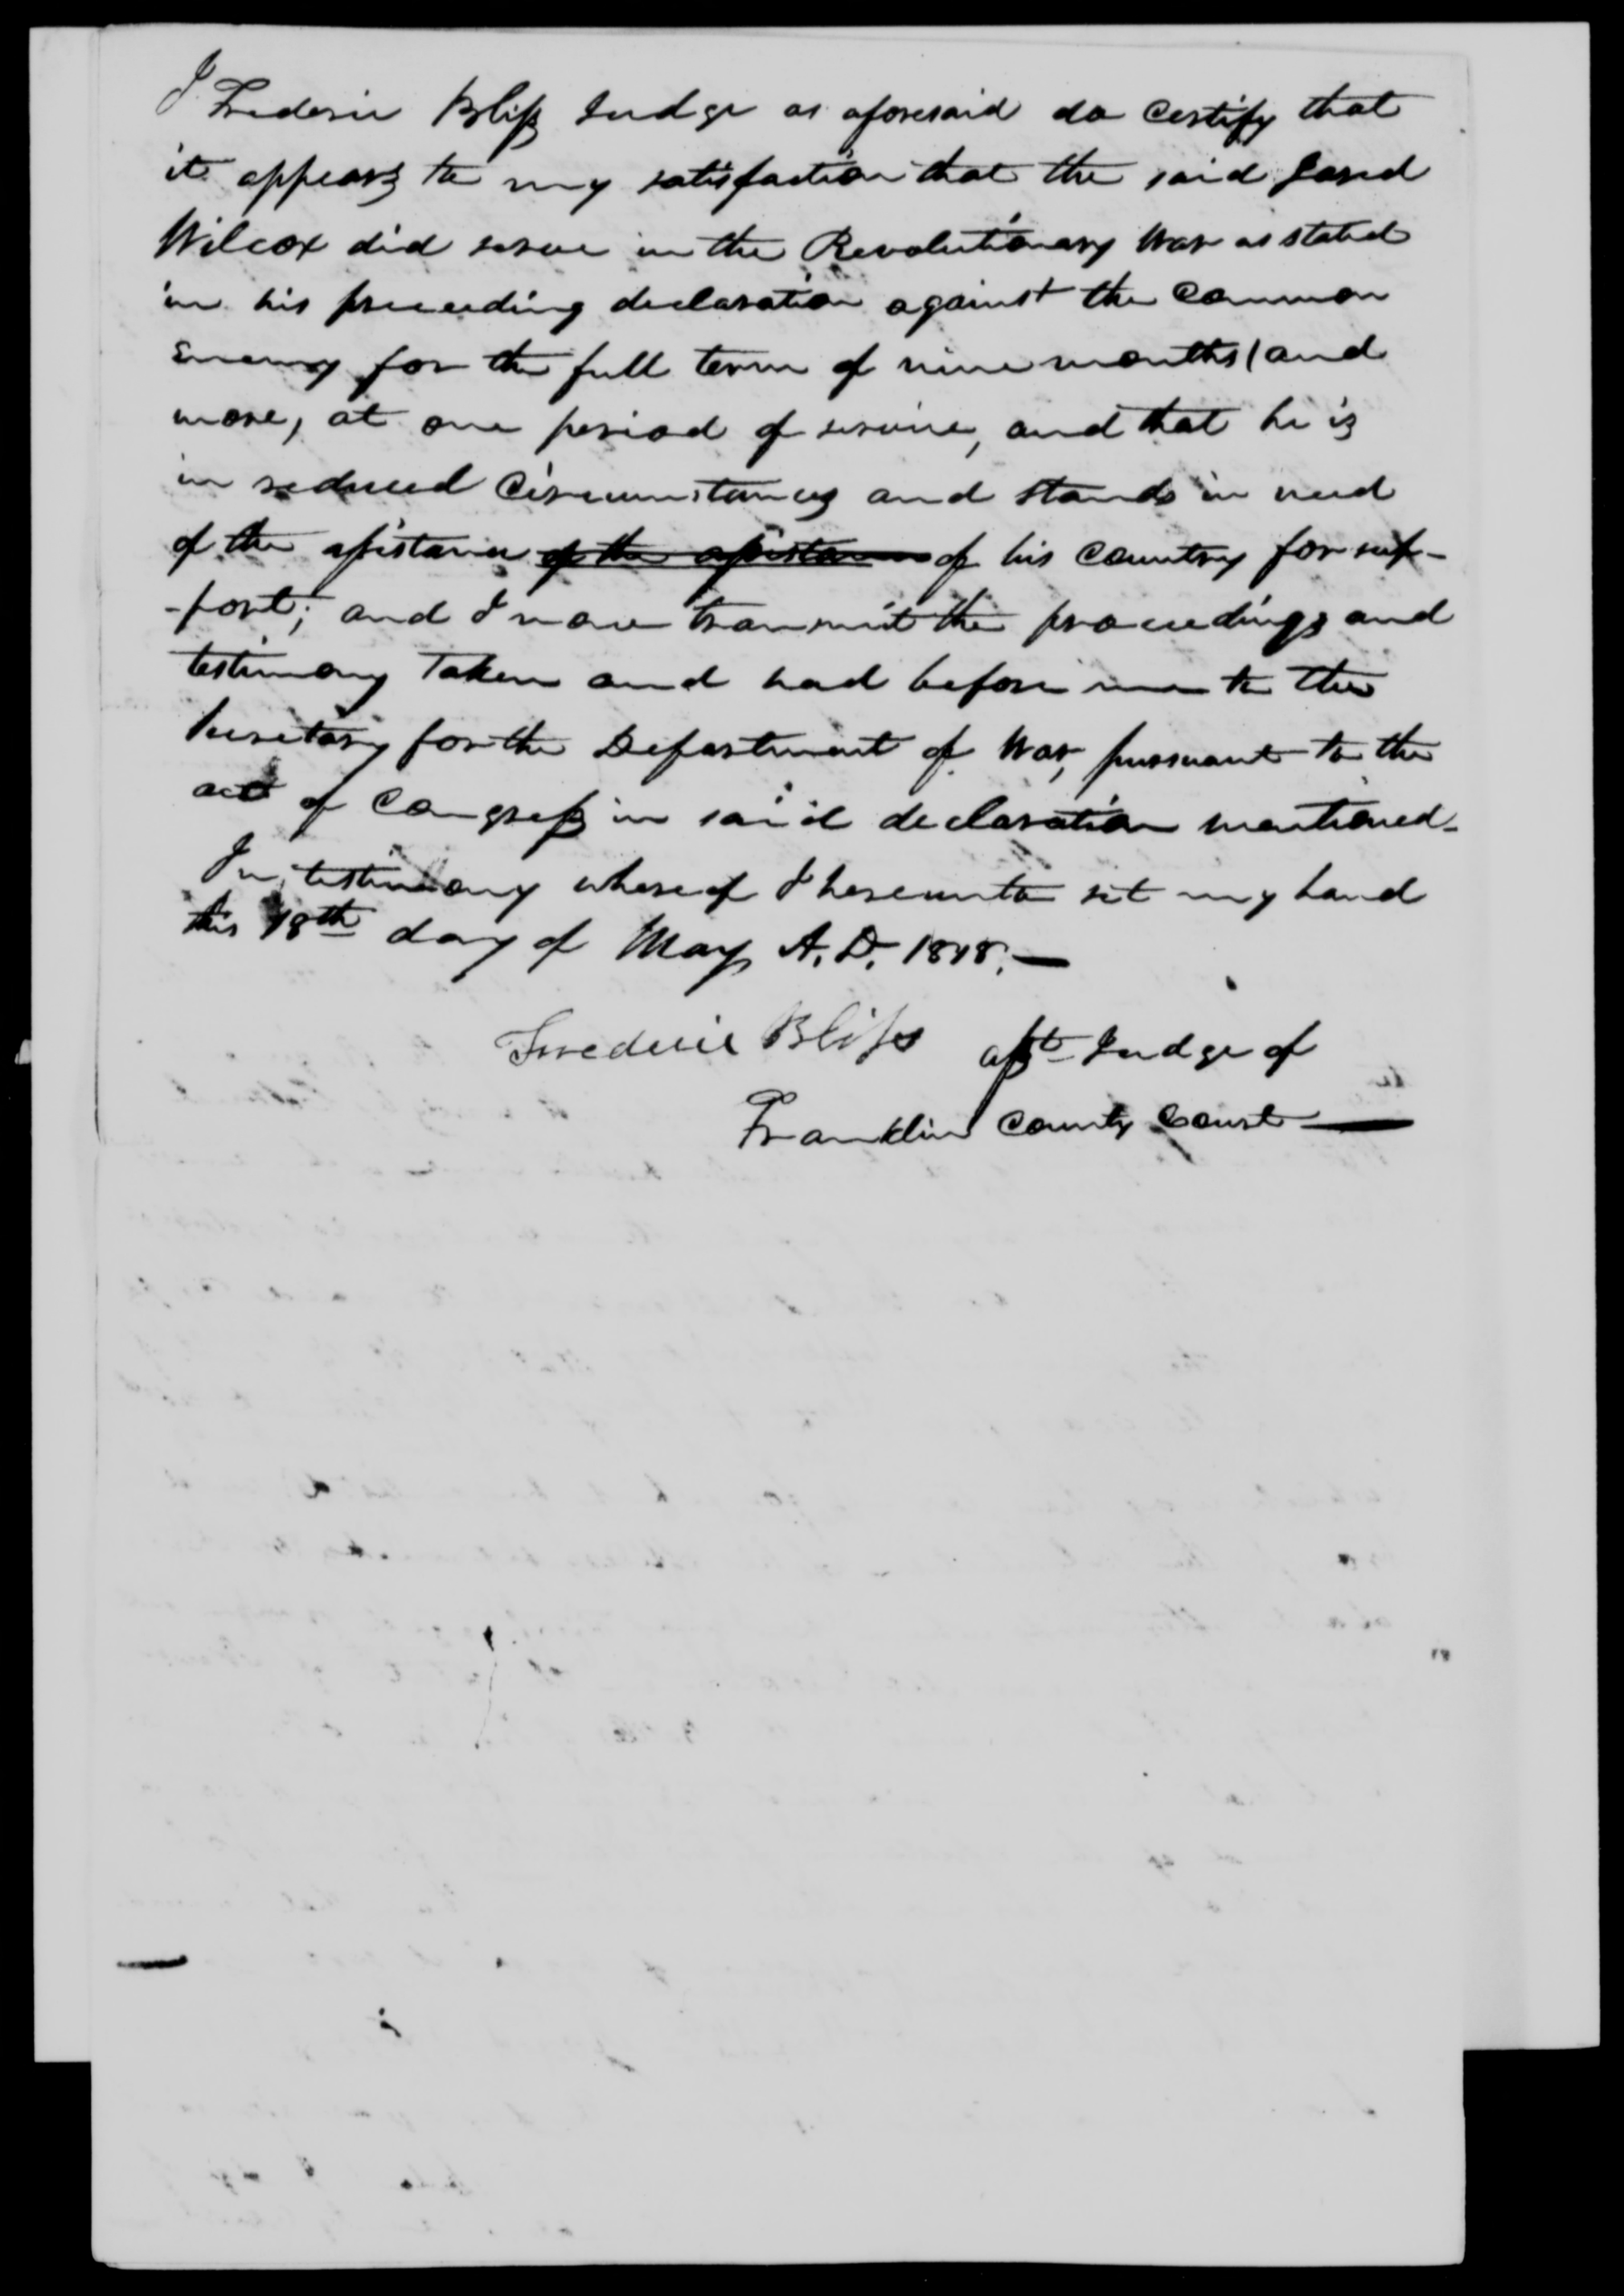I Frederic Bliss Judge as aforesaid do certify that
it appears to my satisfaction that the said Jared
Wilcox did serve in the Revolutionary War as stated
in his preceding declaration against the common
enemy for the full term of nine months/ and
more, at one period of service, and that he is
in reduced circumstances and stands in need 
of the assistance (of the assistance = crossed out) of his country for support;
and I now transmit the proceedings and
testimony taken and had before me to the 
Secretary for the Department of War, pursuant to the
act of Congress in said declaration mentioned.

In testimony whereof I hereunto set my hand
this 18th day of May A.D. 1818.

Frederic Bliss (signature)  Asst Judge of
Franklin County Court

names: Jared Wilcox, Frederic Bliss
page: 8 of 34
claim: survivor's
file: S. 41337, Jared Wilcox, Continental Mass.